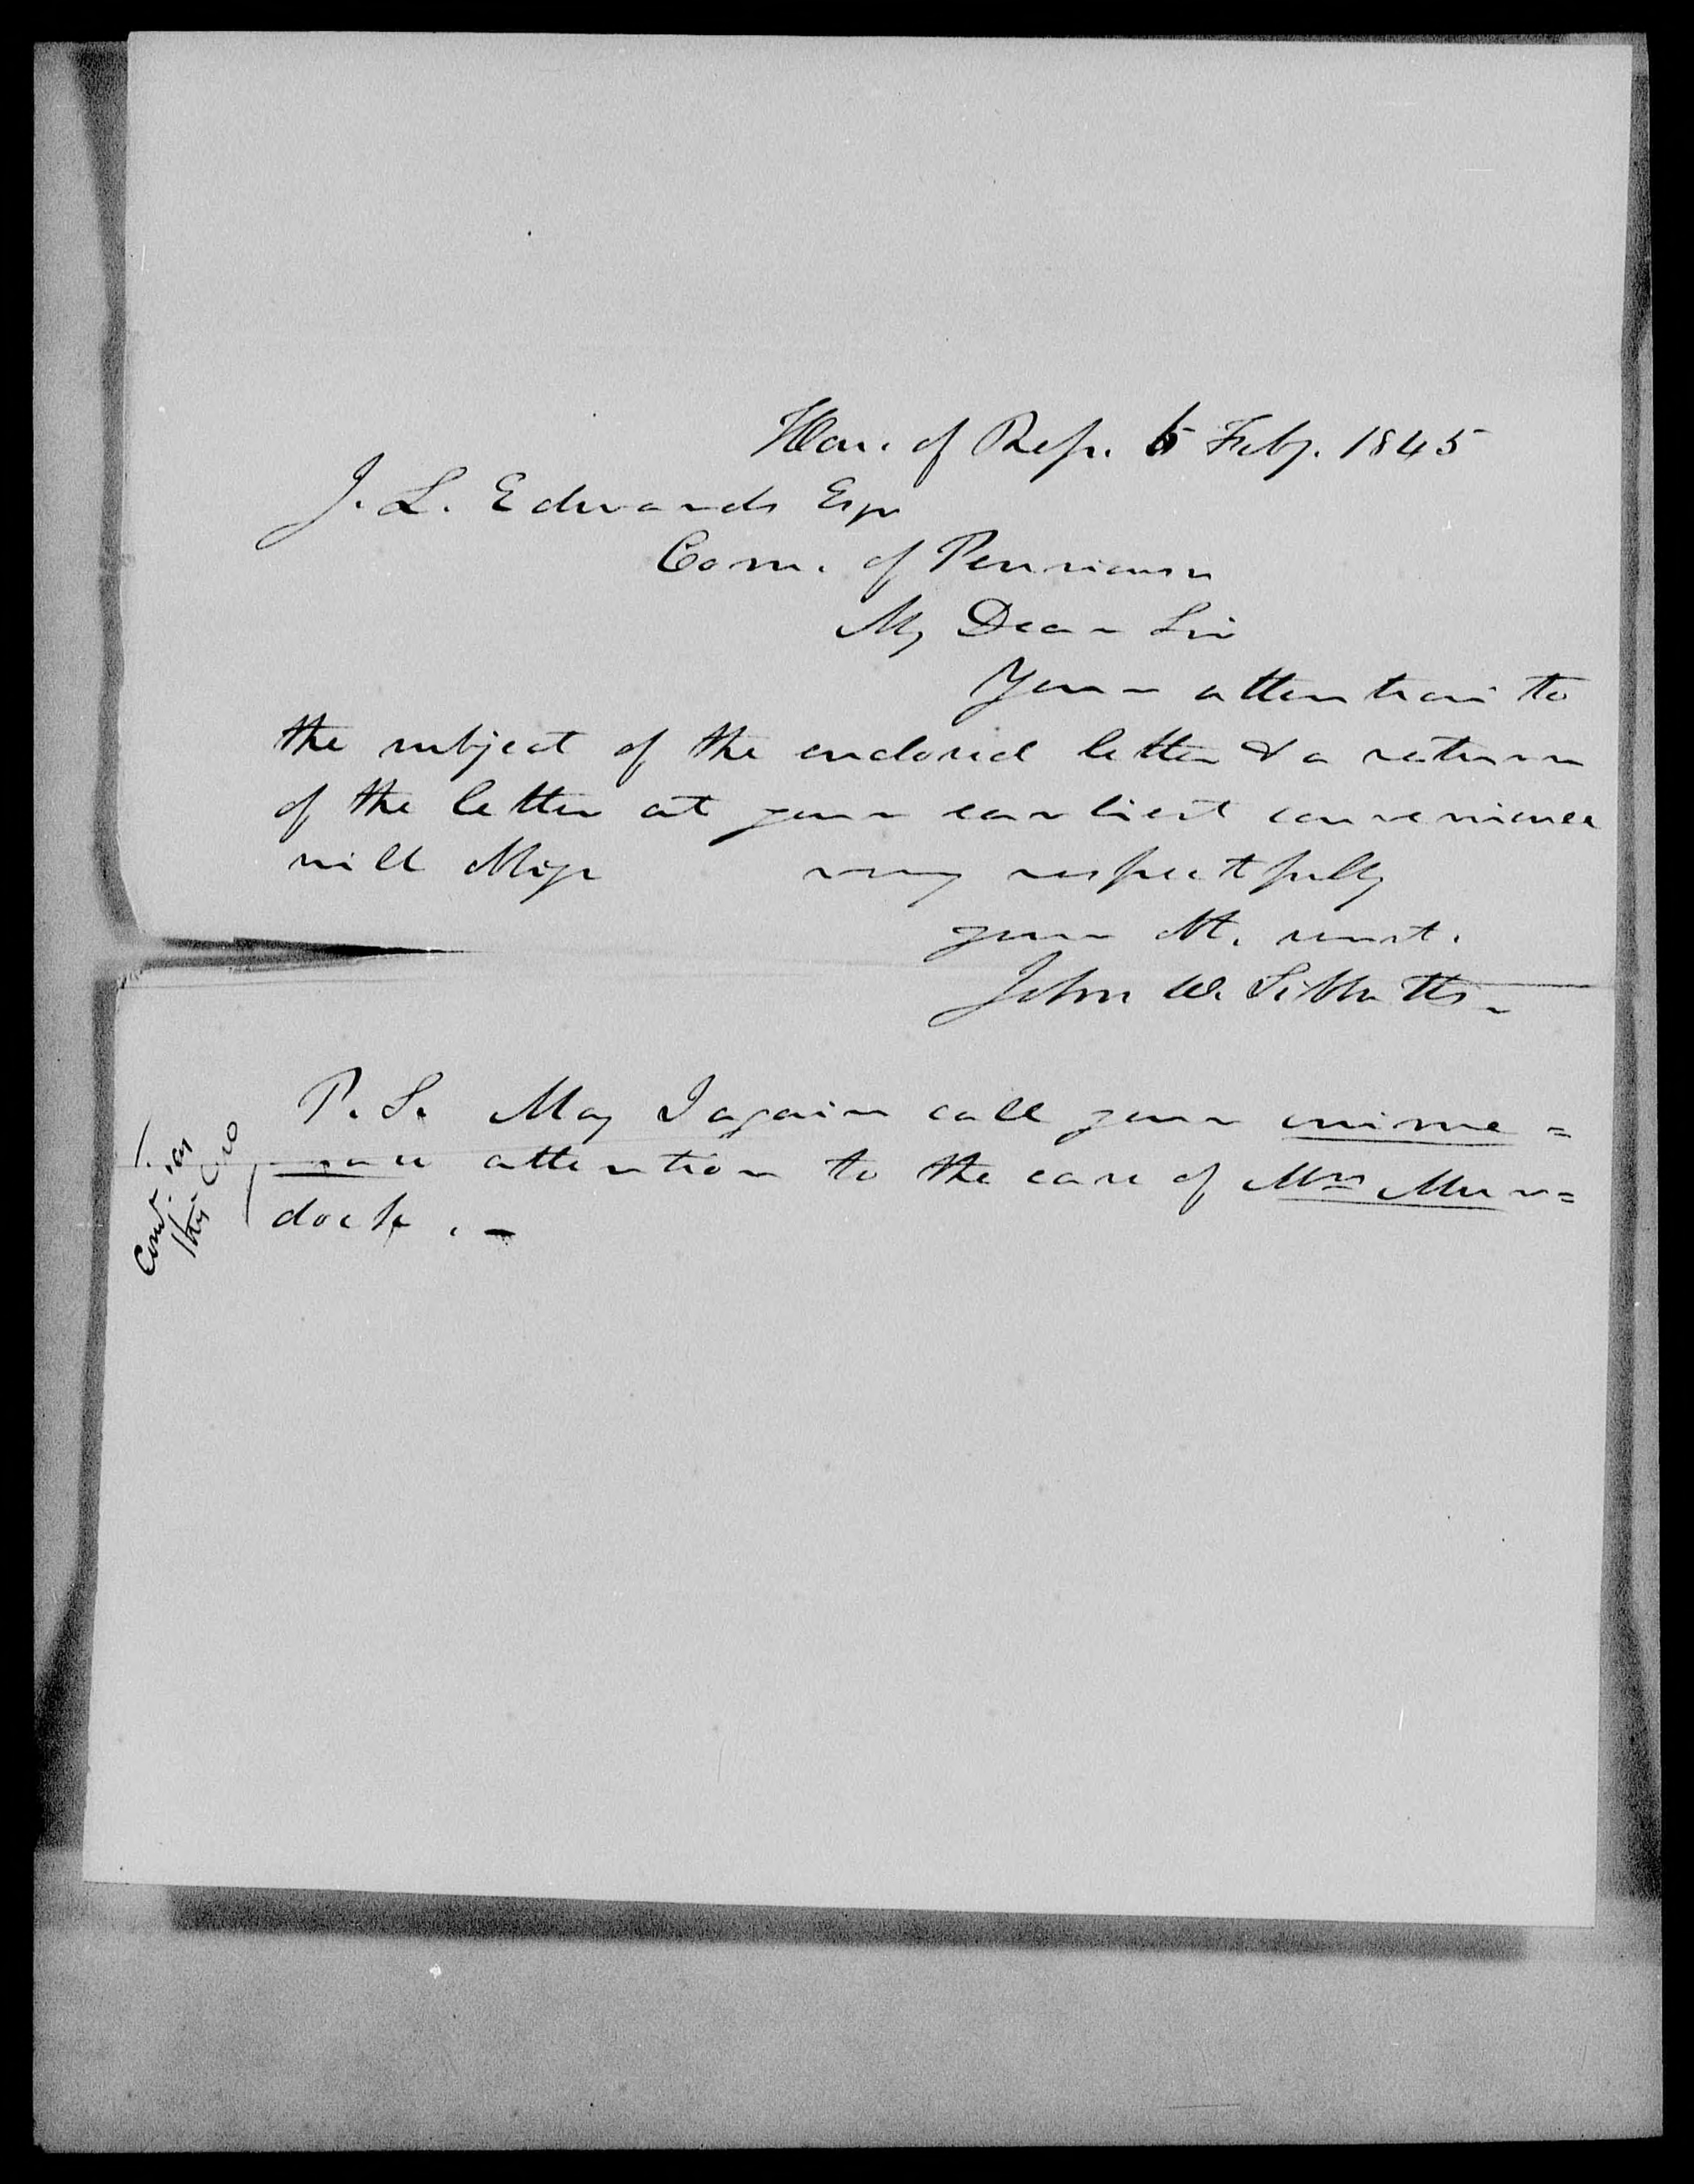Image 97		4160873_00097	
Fold3 File #23857263
[Letter]  
House of Rep. [Representatives] 6 Feby 1845
J. L. Edwards Esq  Com of Pensions

My Dear Sir  Your attention to the subject of the enclosed letter & a return of the letter at your earliest convenience will [illegible]
very respectfully [illegible] John W. Tibbatts
P.S. May I again call your immediate attention to the care of ______ [illegible] document.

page: 39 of 71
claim: widow's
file: W. 8428, for James Mc Gill, Pennsylvania